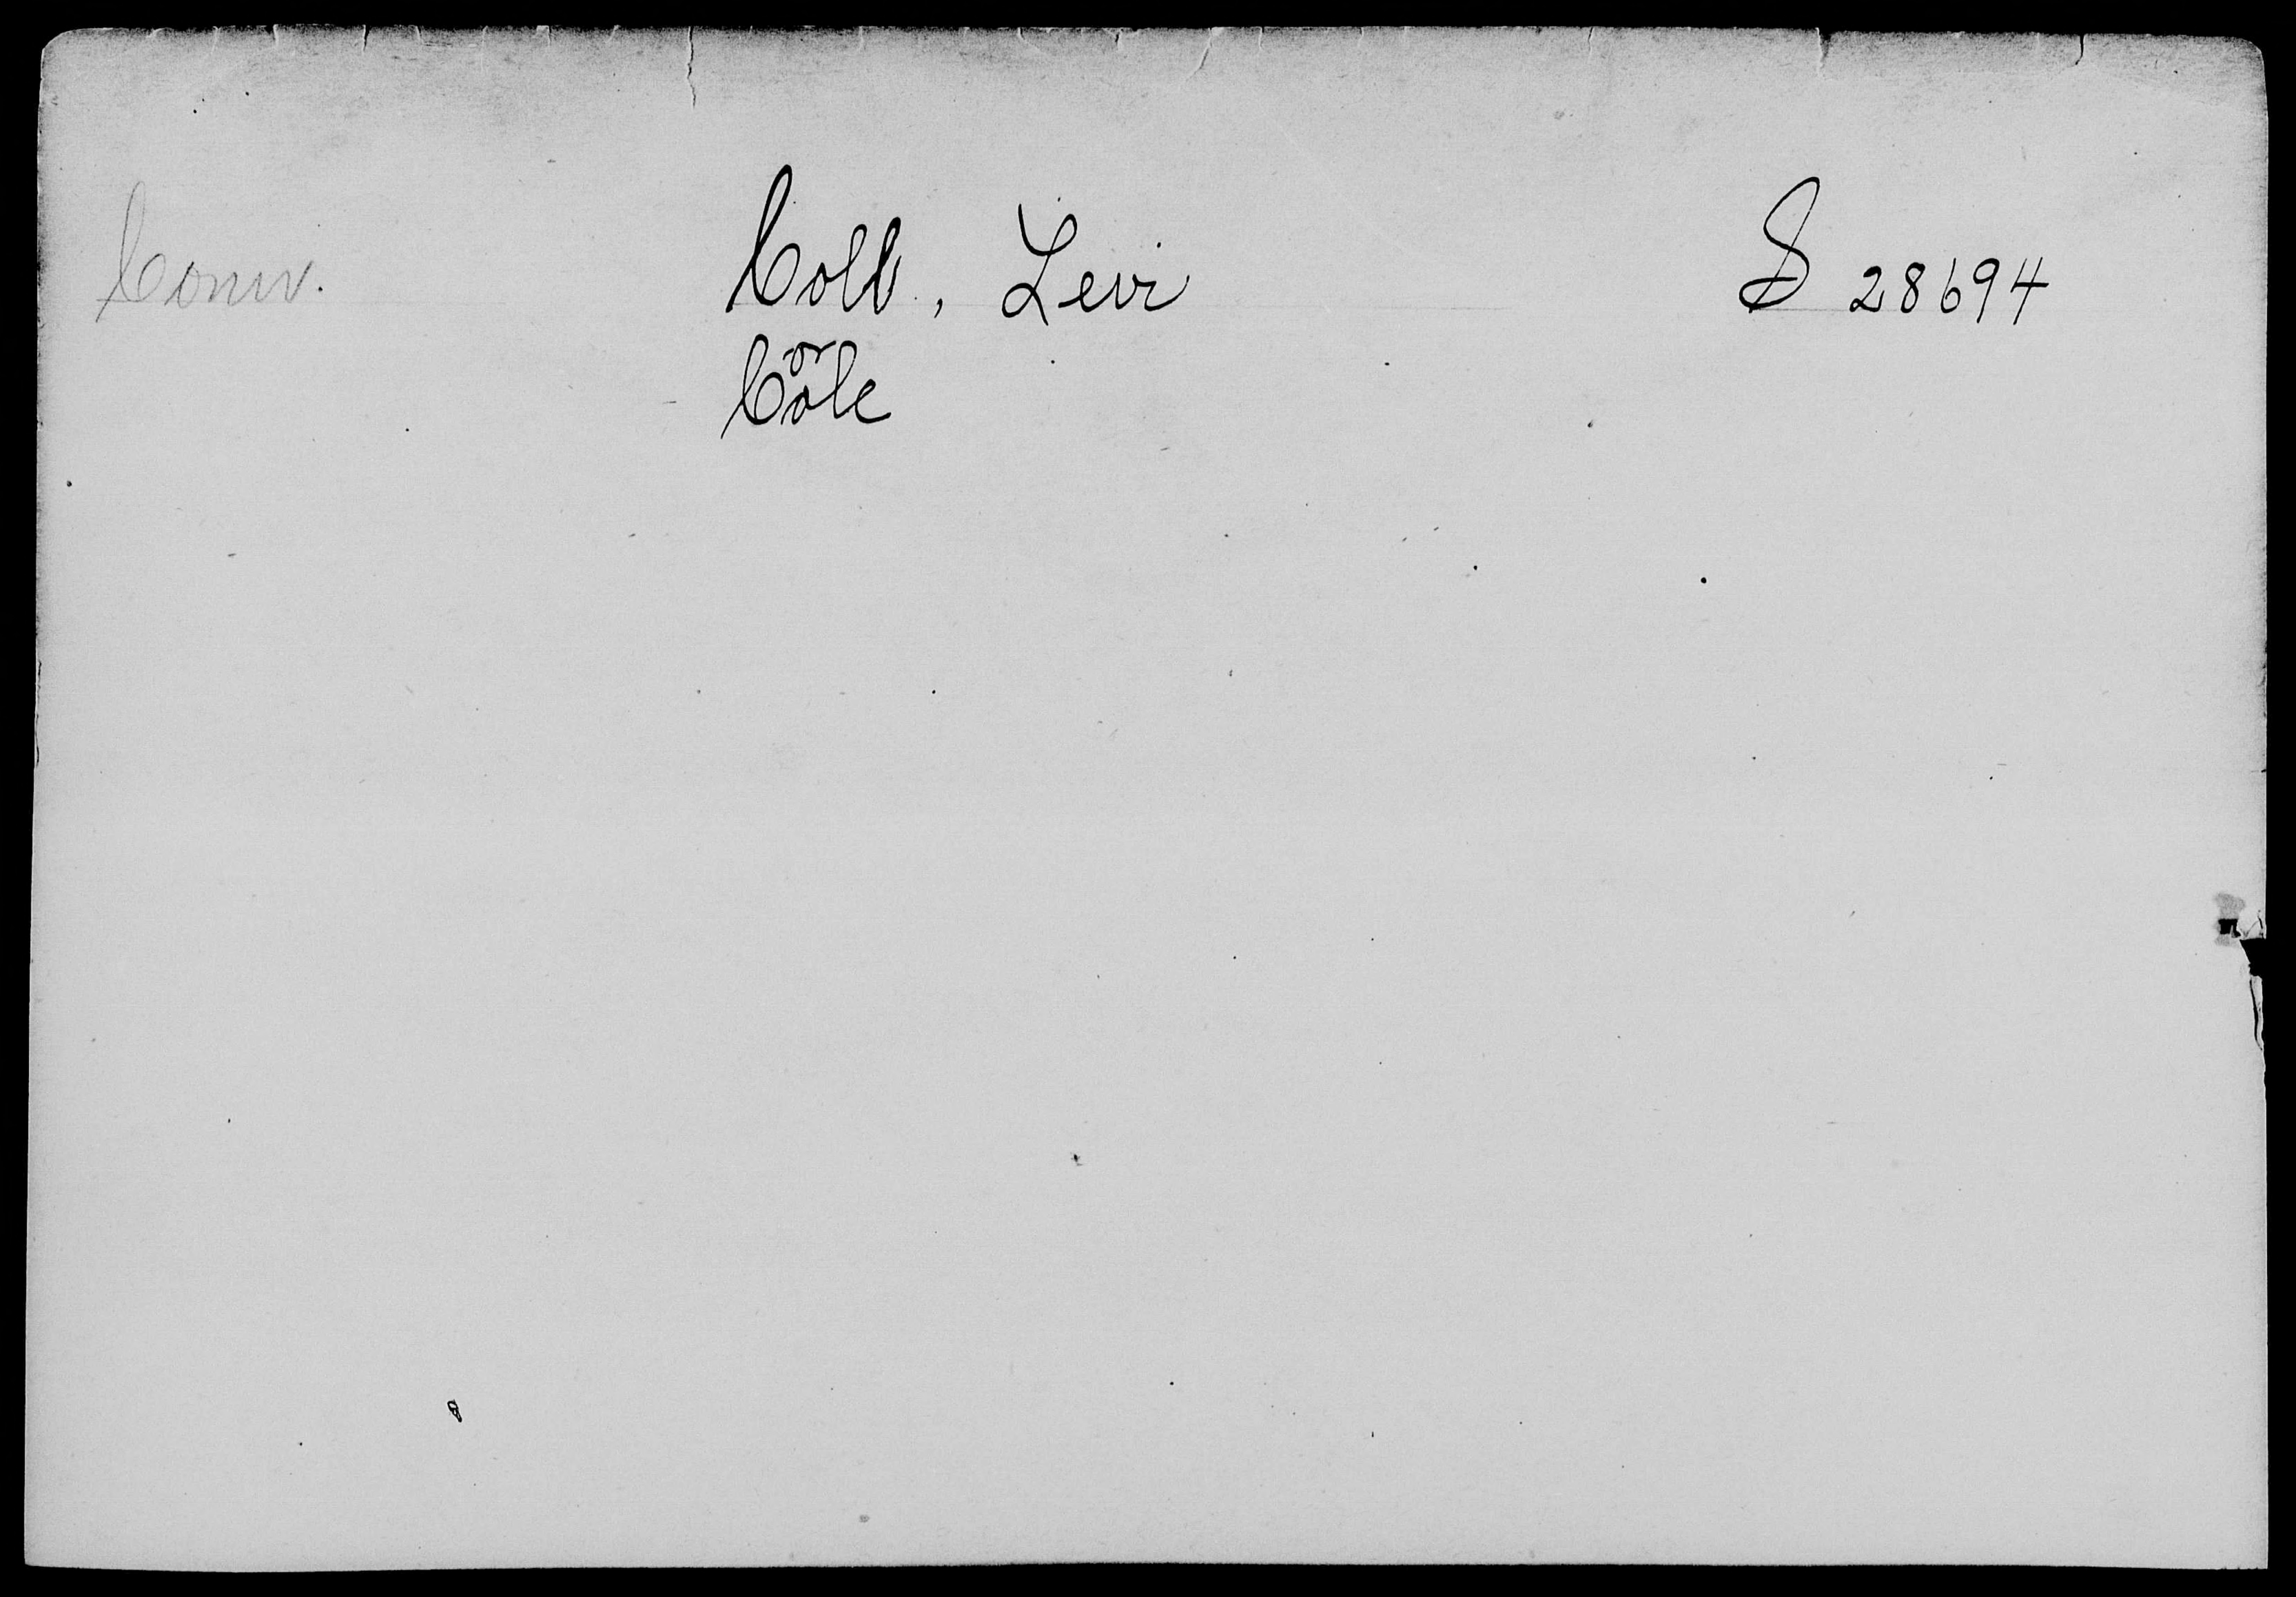Conn. Coll, Levi S 28694
Or 
Cole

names: Levi Cole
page: 1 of 1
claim: survivor's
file: S 28694, Levi Coll, Conn.